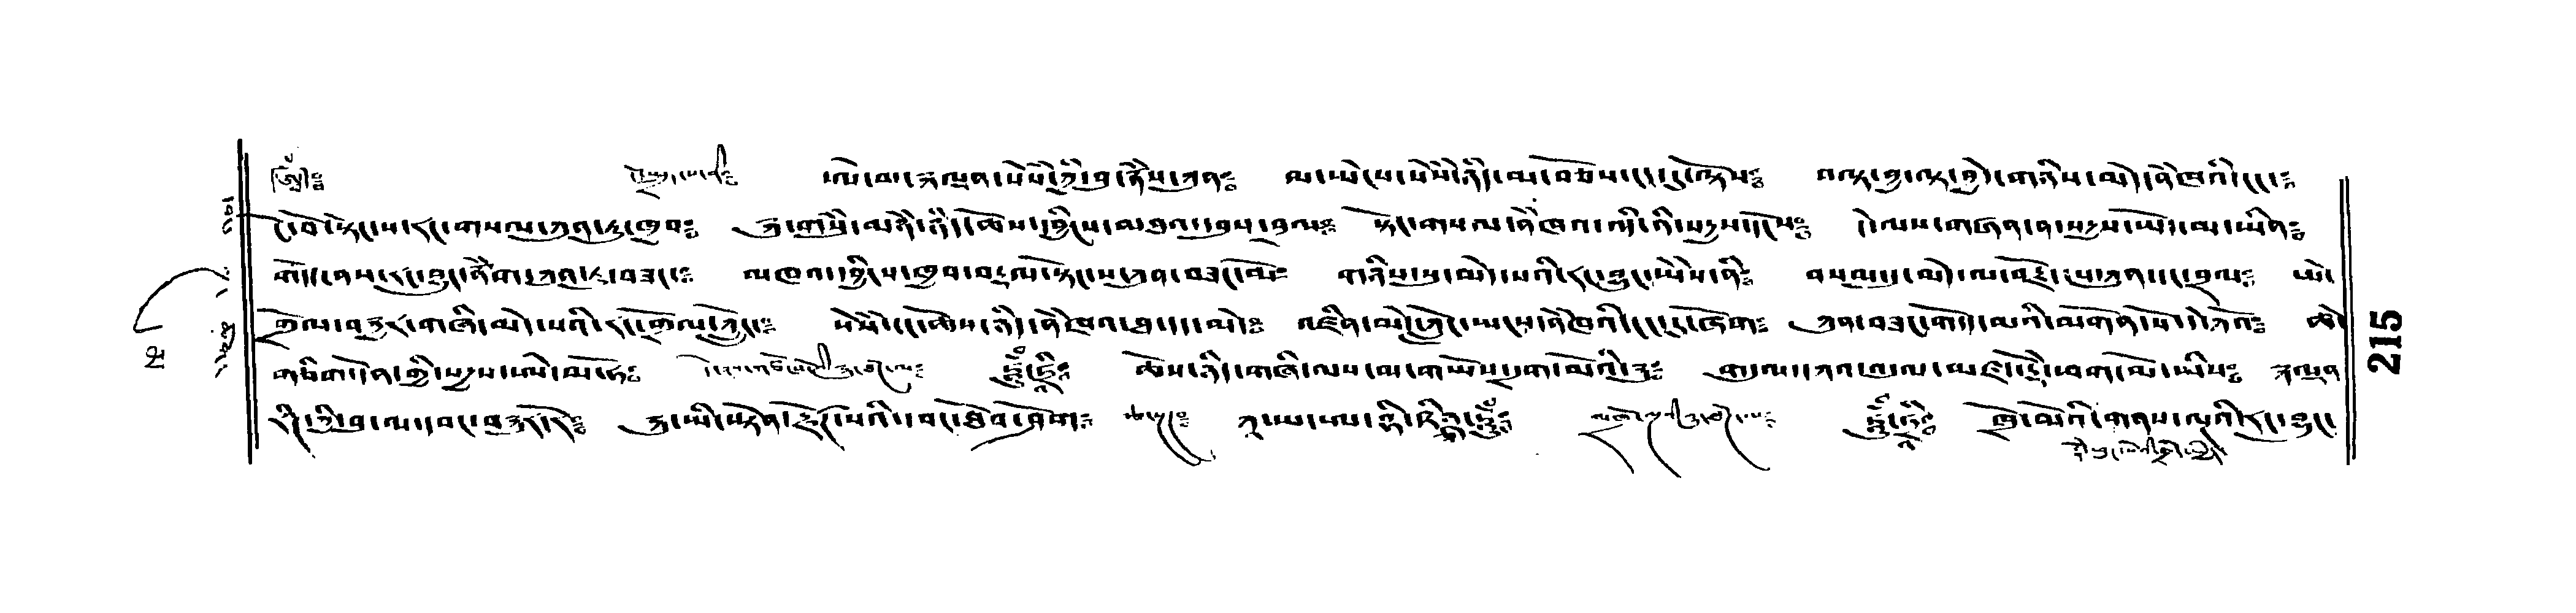ངོ་སྤྲད་པ་ནི༔ ཨེ་མ་སྐལ་ལྡན་སེམས་ཀྱི་བུ་རྣམས་ཀུན༔ མ་ཡེངས་སེམས་ཉིད་མ་བཅོས་ངང་དུ་ལྟོས༔ བལྟ་བྱ་ལྟ་བྱེད་གཉིས་མེད་ནམ་མཁའི་ངང༔ 
ངོ་བོ་སྟོང་པ་རང་གསལ་ཀུན་ཏུ་ཁྱབ༔ སྐུ་གསུམ་མཉམ་ཉིད་ཆོས་དབྱིངས་མཐའ་དབུས་བྲལ༔ སྟོང་གསལ་ནམ་མཁའ་འདི་ནི་སངས་རྒྱས་དངོས༔ དེ་ལས་གཞན་ནས་སངས་རྒྱས་ཡོད་མ་ཡིན༔ 
གདོད་ནས་རང་བྱུང་རྣམ་དག་ཀུན་ཏུ་བཟང༔ མཁའ་དབྱིངས་ཁྱབ་བརྡལ་སྟོང་པ་ཀུན་བཟང་མོ༔ གཉིས་སུ་མེད་པའི་རང་བྱུང་ཡེ་ཤེས་ནི༔ བསམ་དུ་མེད་ལ་བརྗོད་པ་ཀུན་དང་བྲལ༔ ཡེ་
གྲོལ་བསྐྱར་གཞི་མེད་པའི་རང་གྲོལ་ཀློང༔ སེམས་དང་ཆོས་ཉིད་ནམ་མཁའ་ཐ་དད་མེད༔ འཛིན་མེད་ཀློང་ཡངས་ནམ་མཁའི་ངང་དུ་ཞོག༔ ཀུན་བཟང་གདོད་མའི་མགོན་པོ་དེ་ཀའོ༔ ཚེ་
གཅིག་དོན་གྱི་སངས་རྒྱས་ཨེ་མ་ཧོཿ དེ་ནས་གཙོ་མོའི་སྐུ་ཐོགས་ལ༔ ཧཱུྃ་ཧྲཱིཿ ཆོས་ཉིད་གཞི་ལས་མ་གཡོས་དྲག་མོའི་སྐུ༔ གདུལ་དཀའ་འདུལ་མཛད་རྡོ་རྗེ་ཕག་མོ་ཡིས༔ སྐལ་ལྡན་
རིགས་ཀྱི་བུ་ལ་དབང་བསྐུར་རོ༔ སྐུ་ཡི་ཡོན་ཏན་རྫོགས་པའི་དབང་ཐོབ་ཤོག༔ རྩ་སྔགས༔ ཀཱ་ཡ་ཨ་བྷི་རིཉྩ་ཧཱུྃ༔ མཁའ་འགྲོ་ལྔའི་སྐུ་ཐོགས་ལ༔ ཧཱུྃ་ཧྲཱིཿ ཁྲོ་མོའི་གནས་ལྔའི་རང་བྱུང་